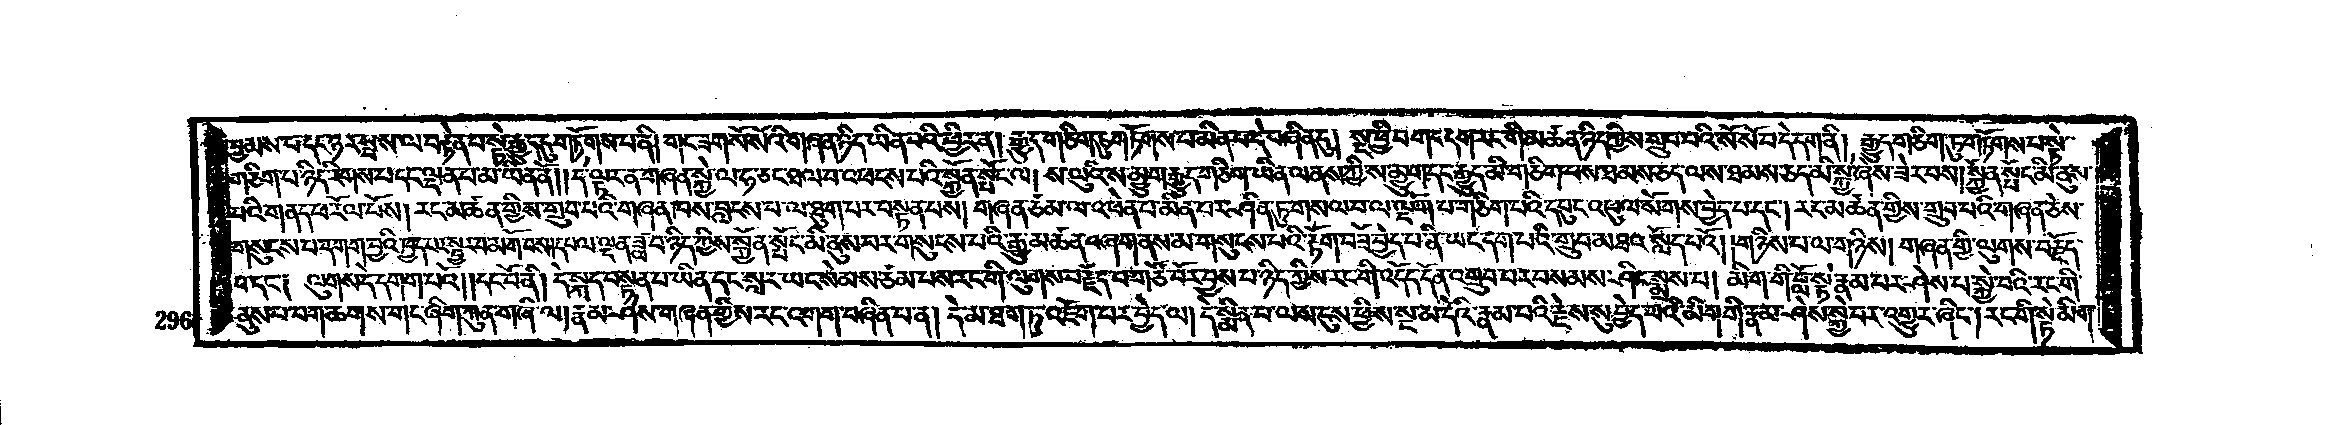བྱམས་པ་དང་ཉེར་སྤས་ལ་བརྟེན་པ་སྟེ་རྒྱུད་དུ་གཏོགས་པ་ནི། གང་ཟག་སོ་སོའི་གཞན་ཉིད་ཡིན་པའི་ཕྱིར་ན། རྒྱུད་གཅིག་ཏུ་གཏོགས་པ་མིན་པ་དེ་བཞིན་དུ། སྔ་ཕྱི་བ་གང་དག་རང་གི་མཚན་ཉིད་ཀྱིས་གྲུབ་པའི་སོ་སོ་བ་དེ་དག་ནི། རྒྱུད་གཅིག་ཏུ་གཏོགས་པ་སྟེ་
གཅིག་པ་ཉིད་རིགས་པ་དང་ལྡན་པ་མ་ཡིན་ནོ། །དེ་ལྟར་ན་གཞན་སྐྱེ་ལ་ཧ་ཅང་ཐལ་བ་འཕངས་པའི་སྐྱོན་སྤོང་ལ། ས་ལུའི་ས་མྱུག་རྒྱུད་གཅིག་ཡིན་ལ་ནས་ཀྱི་ས་མྱུག་དང་རྒྱུད་མི་གཅིག་པས་ཐམས་ཅད་ལས་ཐམས་ཅད་མི་སྐྱེ་ཞེས་ཟེར་བས། །སྐྱོན་སྤོང་མི་ནུས་
པའི་གནད་ཕ་རོལ་པོས། རང་མཚན་གྱིས་གྲུབ་པའི་གཞན་ཁས་བླངས་པ་ལ་ཐུག་པར་བསྟན་པས། གཞན་ཙམ་ལ་འཕེན་པ་མིན་པར་ཤིན་ཏུ་གསལ་བ་ལ་ལྡོག་པ་གཅིག་པའི་དཔུང་འཕུལ་སོགས་བྱེད་པ་དང་། རང་མཚན་གྱིས་གྲུབ་པའི་གཞན་ཅེས་
གསུངས་པ་དགག་བྱའི་ཁྱད་པར་སྦྱར་བ་མ་གོ་བས། དཔལ་ལྡན་ཟླ་བ་ཉིད་ཀྱིས་སྐྱོན་སྤོང་མི་ནུས་པར་གསུངས་པའི་རྒྱུ་མཚན་བཞག་ནས་མ་གསུངས་པའི་རྟོག་བཟོ་བྱེད་པ་ནི་ཡང་དག་པའི་གྲུབ་མཐའ་སློད་པའོ། །གཉིས་པ་ལ་གཉིས། གཞན་གྱི་ལུགས་བརྗོད་
པ་དང་། ལུགས་དེ་དགག་པའོ། །དང་པོ་ནི། དེ་སྐད་བསྟན་པ་ཡིན་དང་སླར་ཡང་སེམས་ཙམ་པས་རང་གི་ལུགས་བརྗོད་པ་གཙོ་བོར་བྱས་པ་ཉིད་ཀྱིས་རང་གི་འདོད་དོན་འགྲུབ་པར་བསམས་ཤིང་སྨྲས་པ། མིག་གི་བློ་སྟེ་རྣམ་པར་ཤེས་པ་སྐྱེ་བའི་རང་གི་
ནུས་པ་བག་ཆགས་གང་ཞིག་ཀུན་གཞི་ལ། རྣམ་ཤེས་གཞན་གྱིས་རང་འགག་བཞིན་པ་ན། དེ་མ་ཐག་ཏུ་འཇོག་པར་བྱེད་ལ། དེ་སྨིན་པ་ལས་དུས་ཕྱིས་སྔ་མ་དེའི་རྣམ་པའི་རྗེས་སུ་བྱེད་པའི་མིག་གི་རྣམ་ཤེས་སྐྱེ་བར་འགྱུར་ཞིང་། རང་གི་སྟེ་མིག་